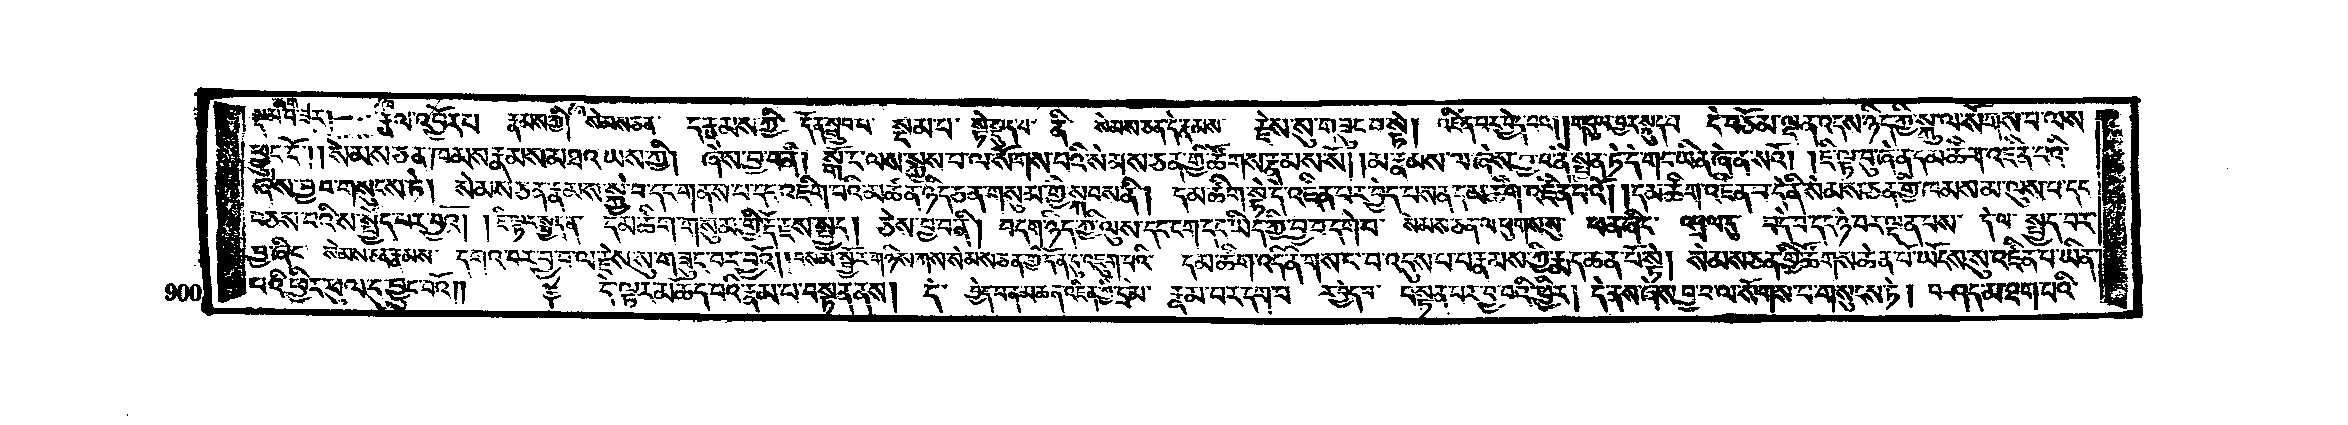སྡོམ་པ་ཆག་པ་ཟེར། H ཁ་རྣལ་འབྱོར་པ་རྣམས་ཀྱི། ག་སེམས་ཅན་དེ་རྣམས་ཀྱི་དོན་སྒྲུབ་པ་སྡོམ་པ་སྟེ་སྡུད་པ་ནི་སེམས་ཅན་དེ་རྣམས་རྗེས་སུ་གཟུང་བ་སྟེ། འཛིན་པར་བྱེད་པའོ། །གདུལ་བྱར་སྡུད་པ་དེ་བཅོམ་ལྡན་འདས་ཉིད་ཀྱི་སྐུ་ལ་སོགས་པ་ལས་
ཕྱུང་ངོ། །སེམས་ཅན་ཁམས་རྣམས་མཐའ་ཡས་ཀྱི། ཞེས་བྱ་བ་ནི། སྒོ་ང་ལས་སྐྱེས་པ་ལ་སོགས་པའི་སེམས་ཅན་གྱི་ཚོགས་རྣམས་སོ། །མ་རྣམས་ལ་ཞེས་བྱ་བ་ནི་སྤྱན་ཏེ་དེ་གང་ཡིན་ཞེ་ན་སའོ། །ཇི་ལྟ་བུ་ཞེ་ན་དམ་ཚིག་འཛིན་པའི་
ཞེས་བྱ་བ་གསུངས་ཏེ། སེམས་ཅན་རྣམས་སྐྱེ་བ་དང་གནས་པ་དང་འཇིག་པའི་མཚན་ཉིད་ཅན་གསུམ་གྱི་སྐབས་ནི། དམ་ཚིག་སྟེ་དེ་འཛིན་པར་བྱེད་པས་ན་དམ་ཚིག་འཛིན་པའོ། །དམ་ཚིག་འཛིན་པ་དེ་ནི་སེམས་ཅན་གྱི་ཁམས་མ་ལུས་པ་དང་
བཅས་པའི་ས་སྤྱོད་པར་བྱའོ། ། ཇི་ལྟར་སྤྱད་ན་དམ་ཚིག་གསུམ་གྱི་རྡོ་རྗེས་སྤྱད། ཅེས་བྱ་བ་ནི། བདག་ཉིད་ཀྱི་ལུས་དང་ངག་དང་ཡིད་ཀྱི་བྱ་བ་དགེ་བ་སེམས་ཅན་ལ་པུགས་སུ་ཕན་ཞིང་འཕྲལ་དུ་བདེ་བ་དང་ཉེ་བར་ལྡན་པས་དེ་ལ་སྤྱད་བར་
བྱ་ཞིང་སེམས་ཅན་རྣམས་དགའ་བར་བྱ་བ་ལ་རྗེས་སུ་གཟུང་བར་བྱའོ། ། བསམ་སྦྱོར་གཉིས་ཀས་སེམས་ཅན་གྱི་དོན་དུ་འཇུག་པའི་དམ་ཚིག་འདི་ནི་གསང་བ་འདུས་པ་པ་རྣམས་ཀྱི་རྨད་ཆེན་པོ་སྟེ། སེམས་ཅན་གྱི་ཚོགས་ཆེན་པོ་ཡོངས་སུ་འཛིན་པ་ཡིན་
པའི་ཕྱིར་ཕུལ་དུ་བྱུང་བའོ།། ༈ དེ་ལྟར་མཆོད་པའི་རྣམ་པ་བསྟན་ནས། དེ་བྱེད་པ་ན་མཆན་འཛིན་གྱི་དྲི་མ་རྣམ་པར་དག་པར་བྱེད་པ་བསྟན་པར་བྱ་བའི་ཕྱིར། དེ་ནས་ཞེས་བྱ་བ་ལ་སོགས་པ་གསུངས་ཏེ། བཤད་མ་ཐག་པའི་